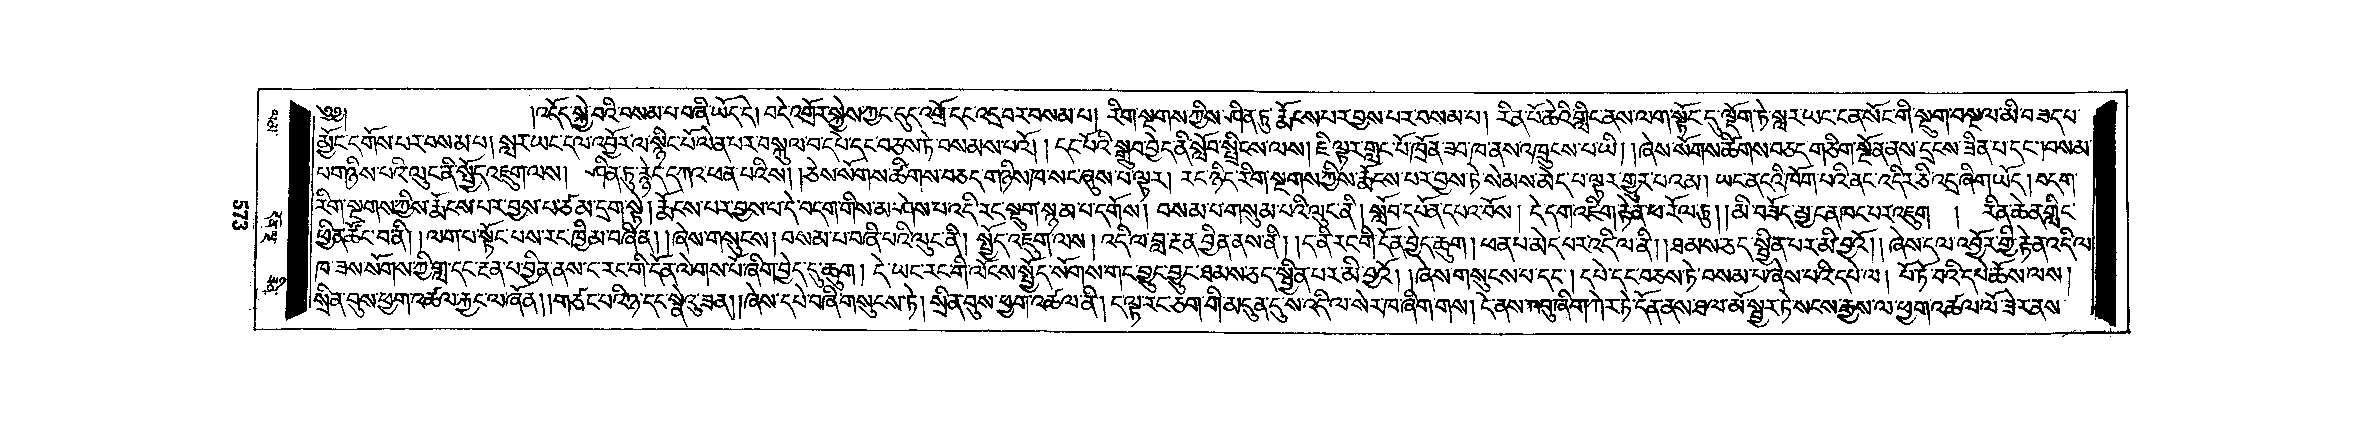༄༅། །འདོད་སྐྱེ་བའི་བསམ་པ་བཞི་ཡོད་དེ། བདེ་འགྲོར་སྐྱེས་ཀྱང་དུད་འགྲོ་དང་འདྲ་བར་བསམ་པ། རིག་སྔགས་ཀྱིས་ཤིན་ཏུ་རྨོངས་པར་བྱས་པར་བསམ་པ། རིན་པོ་ཆེའི་གླིང་ནས་ལག་སྟོང་དུ་ལྡོག་ཏེ་སླར་ཡང་ངན་སོང་གི་སྡུག་བསྔལ་མི་བཟད་པ་
མྱོང་དགོས་པར་བསམ་པ། སླར་ཡང་དལ་འབྱོར་ལ་སྙིང་པོ་ལེན་པར་བསྐུལ་བ་དཔེ་དང་བཅས་ཏེ་བསམས་པའོ། །དང་པོའི་སྒྲུབ་བྱེད་ནི་སློབ་སྤྲིངས་ལས། ཇི་ལྟར་གླང་པོ་ཁྲོན་ཟབ་ཁ་ནས་འཁྲུངས་པ་ཡི། །ཞེས་སོགས་ཚིགས་བཅད་གཅིག་སྔོན་ནས་དྲངས་ཟིན་པ་དང་། བསམ་
པ་གཉིས་པའི་ལུང་ནི་སྤྱོད་འཇུག་ལས། ཤིན་ཏུ་རྙེད་དཀའ་ཕན་པའི་ས། །ཅེས་སོགས་ཚིགས་བཅད་གཉིས་ཁ་སང་ཞུས་པ་ལྟར། རང་ཉིད་རིག་སྔགས་ཀྱིས་རྨོངས་པར་བྱས་ཏེ་སེམས་མེད་པ་ལྟར་གྱུར་པའམ། ཡང་ན་ངའི་ཁོག་པའི་ནང་འདིར་ཅི་འདྲ་ཞིག་ཡོད། བདག་
རིག་སྔགས་ཀྱིས་རྨོངས་པར་བྱས་པ་ཙམ་དྲག་སྟེ། རྨོངས་པར་བྱས་པ་དེ་བདག་གིས་མ་ཤེས་པ་འདི་རང་སྡུག་སྙམ་པ་དགོས། བསམ་པ་གསུམ་པའི་ལུང་ནི། སློབ་དཔོན་དཔའ་བོས། དེ་དག་འཇིག་རྟེན་ཕ་རོལ་ཏུ། །མི་བཟོད་མྱ་ངན་ཁང་པར་འཇུག །རིན་ཆེན་གླིང་
ཕྱིན་ཚོང་བ་ནི། །ལག་པ་སྟོང་པས་རང་ཁྱིམ་བཞིན། །ཞེས་གསུངས། བསམ་པ་བཞི་པའི་ལུང་ནི། སྤྱོད་འཇུག་ལས། འདི་ལ་བླ་རྔན་བྱིན་ནས་ནི། །ད་ནི་རང་གི་དོན་བྱེད་ཆུག །ཕན་པ་མེད་པར་འདི་ལ་ནི། །ཐམས་ཅད་སྦྱིན་པར་མི་བྱའོ། །ཞེས་དལ་འབྱོར་གྱི་རྟེན་འདི་ལ་
ཁ་ཟས་སོགས་ཀྱི་གླ་དང་རྔན་པ་བྱིན་ནས་ང་རང་གི་དོན་ལེགས་པོ་ཞིག་བྱེད་དུ་ཆུག །དེ་ཡང་རང་གི་ལོངས་སྤྱོད་སོགས་གང་བྱུང་བྱུང་ཐམས་ཅད་སྦྱིན་པར་མི་བྱའོ། །ཞེས་གསུངས་པ་དང་། དཔེ་དང་བཅས་ཏེ་བསམ་པ་ཞེས་པའི་དཔེ་ལ། པོ་ཏོ་བའི་དཔེ་ཆོས་ལས།
སྲིན་བུས་ཕྱག་འཚལ་རྐྱང་ལ་ཞོན། །གཙང་པའི་ཉ་དང་སྣེའུ་ཟན། །ཞེས་དཔེ་བཞི་གསུངས་ཏེ། སྲིན་བུས་ཕྱག་འཚལ་ནི། ད་ལྟ་རང་ཅག་གི་མདུན་དུ་ས་འདི་ལ་སེར་ཁ་ཞིག་གས། དེ་ནས་འབུ་ཞིག་ཀེར་ཏེ་དོན་ནས་ཐལ་མོ་སྦྱར་ཏེ་སངས་རྒྱས་ལ་ཕྱག་འཚལ་ལོ་ཟེར་ནས་